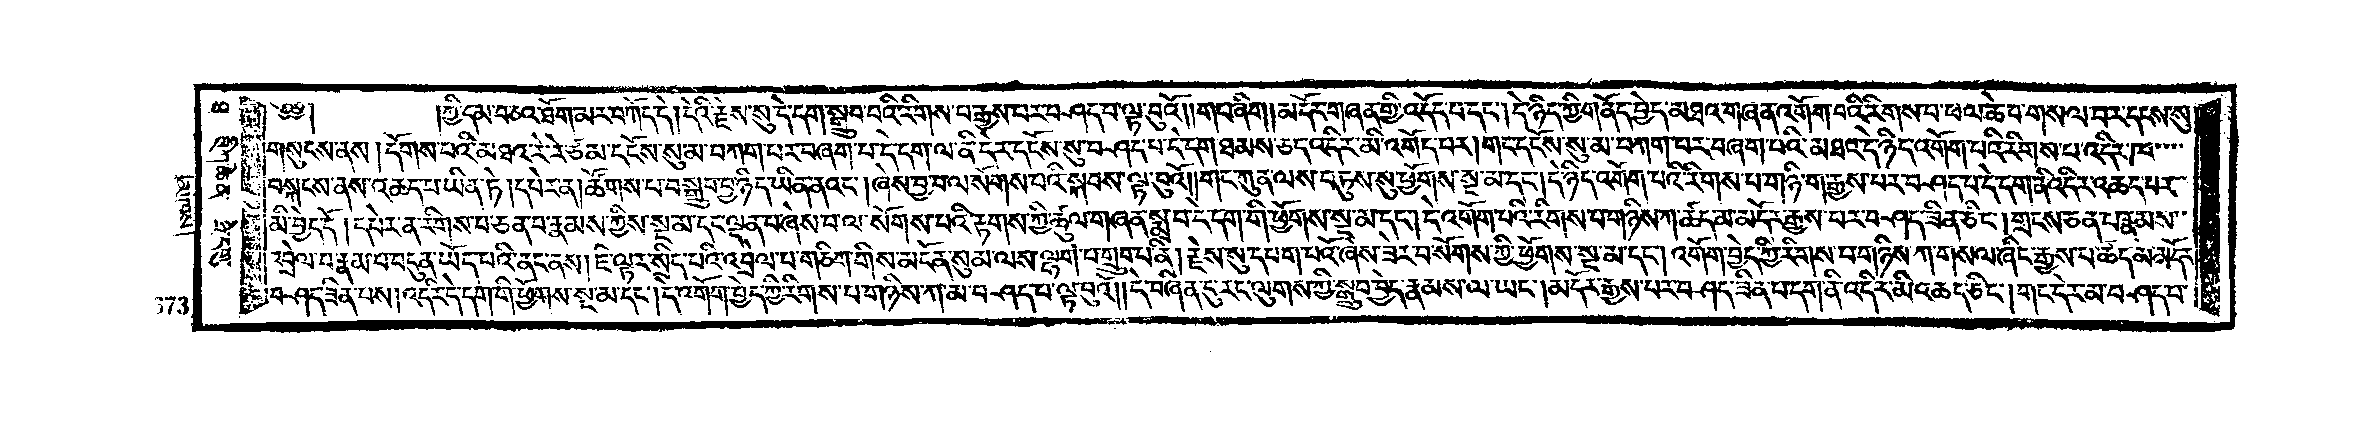༄༅། །ཀྱི་དམ་བཅའ་ཐོག་མར་བཀོད་དེ། དེའི་རྗེས་སུ་དེ་དག་སྒྲུབ་པའི་རིགས་པ་རྒྱས་པར་བཤད་པ་ལྟ་བུའོ། །གང་ཞིག ། མདོར་གཞན་གྱི་འདོད་པ་དང་། དེ་ཉིད་ཀྱི་གནོད་བྱེད་མཐའ་གཞན་འགོག་པའི་རིགས་པ་ཕལ་ཆེ་བ་གསལ་བར་དངོས་སུ་
གསུངས་ནས། དོགས་པའི་མཐའ་རེ་རེ་ཙམ་དངོས་སུ་མ་བཀག་པར་བཞག་པ་དེ་དག་ལ་ནི་དེར་དངོས་སུ་བཤད་པ་དེ་དག་ཐམས་ཅད་འདིར་མི་འགོད་པར། གང་དངོས་སུ་མ་བཀག་པར་བཞག་པའི་མཐའ་དེ་ཉིད་འགོག་པའི་རིགས་པ་འདིར་ཁ་
བསྐངས་ནས་འཆད་པ་ཡིན་ཏེ། དཔེར་ན། ཚོགས་པ་བསྒྲུབ་བྱ་ཉིད་ཡིན་ནའང་། ཞེས་བྱ་བ་ལ་སོགས་པའི་སྐབས་ལྟ་བུའོ། །གང་ཀུན་ལས་བཏུས་སུ་ཕྱོགས་སྔ་མ་དང་། དེ་ཉིད་འགོག་པའི་རིགས་པ་གཉིས་ག་རྒྱས་པར་བཤད་པ་དེ་དག་ནི་འདིར་འཆད་པར་
མི་བྱེད་དོ། དཔེར་ན་རིགས་པ་ཅན་པ་རྣམས་ཀྱིས་སྔ་མ་དང་ལྡན་པ་ཞེས་པ་ལ་སོགས་པའི་རྟགས་ཀྱི་ཚུལ་གཞན་སྨྲ་བ་དེ་དག་གི་ཕྱོགས་སྔ་མ་དང་། དེ་འགོག་པའི་རིགས་པ་གཉིས་ཀ་ཚད་མ་མདོར་རྒྱས་པར་བཤད་ཟིན་ཅིང་། གྲངས་ཅན་པ་རྣམས་
འབྲེལ་བ་རྣམ་པ་བདུན་ཡོད་པའི་ནང་ནས། ཇི་ལྟར་སྲིད་པའི་འབྲེལ་པ་གཅིག་གིས་མངོན་སུམ་ལས་ལྷག་པ་གྲུབ་པ་ནི། རྗེས་སུ་དཔག་པའོ་ཞེས་ཟེར་བ་སོགས་ཀྱི་ཕྱོགས་སྔ་མ་དང་། འགོག་བྱེད་ཀྱི་རིགས་པ་གཉིས་ཀ་གསལ་ཞིང་རྒྱས་པ་ཚད་མ་མདོར་
བཤད་ཟིན་པས། འདིར་དེ་དག་གི་ཕྱོགས་སྔ་མ་དང་། དེ་འགོག་བྱེད་ཀྱི་རིགས་པ་གཉིས་ཀ་མ་བཤད་པ་ལྟ་བུའོ། །དེ་བཞིན་དུ་རང་ལུགས་ཀྱི་སྒྲུབ་བྱེད་རྣམས་ལ་ཡང་། མདོར་རྒྱས་པར་བཤད་ཟིན་པ་དག་ནི་འདིར་མི་འཆད་ཅིང་། གང་དེར་མ་བཤད་པ་